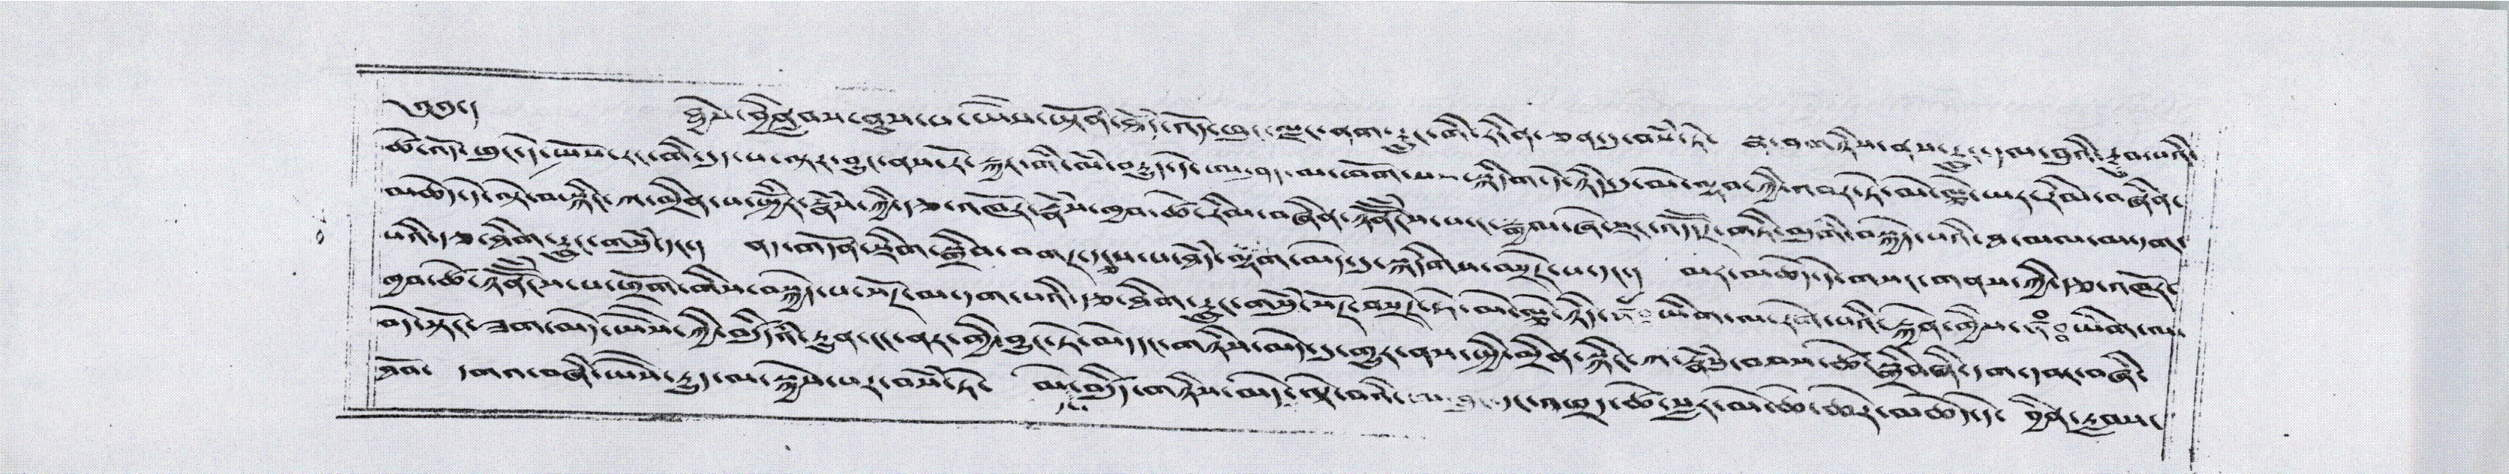ཐུགས་རྗེ་བྱིན་རླབས་ཡེ་ཤེས་ཡོན་ཏན་ཐམས་འོད་ཕུང་ལྗང་ནག་རླུང་གི་རང་བཞིན་ཅན་དུ་བསམ་སྟེ། སྣ་བུག་གཉིས་ནས་རླུང་དལ་བུས་རྔུབ་པའི་
ཚེ་འོད་ཕུང་དེ་སྤོས་རིང་གི་དུད་པ་ལྟར་བྱུང་ནས་རོ་རྐྱང་གི་ལམ་བརྒྱུད་དེ་ཨ་ཤད་ལ་ཕོག་པས་སྐད་ཅིག་དེ་ཉིད་དུ་མེ་ལྷབ་ཀྱིས་འབར་ཏེ་མེ་ལྕེ་ཡར་རིམ་བཞིན་
མཆེད་དེ་ལྟེ་བ་སྙིང་ག་མགྲིན་པ་སྤྱི་བོ་རྣམས་ཀྱི་རྩ་འཁོར་རྣམས་སུ་ཁྱབ་ཚེ། རིམ་བཞིན་ཉོན་མོངས་པ་ང་རྒྱལ་ཞེ་སྡང་འདོད་ཆགས་གཏི་མུག་གིས་བསྐྱེད་པའི་ཐ་མལ་མ་དག་
པའི་རྩ་ཐིག་རླུང་གསུམ་དང་ནད་གདོན་སྡིག་སྒྲིབ་བག་ཆགས་དང་བཅས་པ་ཐམས་ཅད་ལྷག་མེད་དུ་སྐད་ཅིག་གིས་བསྲེགས་པ་དང་། མར་མཆེད་དེ་གསང་གནས་ཀྱི་རྩ་འཁོར་
ཁྱབ་ཚེ་ཉོན་མོངས་པ་ཕྲག་དོག་གིས་བསྐྱེད་པའི་མ་དག་པའི་རྩ་ཐིག་རླུང་གསུམ་སོགས་བསྲེགས་ཏེ་མེ་ལྕེ་ཉིད་ཧཾ་ཡིག་ལ་རེག་པའི་རྐྱེན་གྱིས་ཧཾ་ཡིག་ལས་
བདེ་སྟོང་ཟག་མེད་ཡེ་ཤེས་ཀྱི་བདུད་རྩིའི་རྒྱུན་ངང་ནར་གྱིས་བྱུང་སྟེ། མེ་དང་གཉིས་མེད་དུ་གྱུར་ནས་སྤྱི་མགྲིན་སྙིང་ག་༼ལྟེ་བ༽རྣམས་སུ་བབས་ཚེ་སྒྲིབ་བཞི་དག དབང་བཞི་
ཐོབ། དགའ་བཞིའི་ཡེ་ཤེས་རྒྱུད་ལ་སྐྱེས་པར་བསམ་ཏེ། མེ་དང་བདུད་རྩི་གཉིས་མེད་ལྟེ་བའི་ཨ་ཐུང་དང་འཕྲད་ཚེ་སླར་མེ་ཆེ་ཆེར་མཆེད་དེ་བྱིན་རླབས་